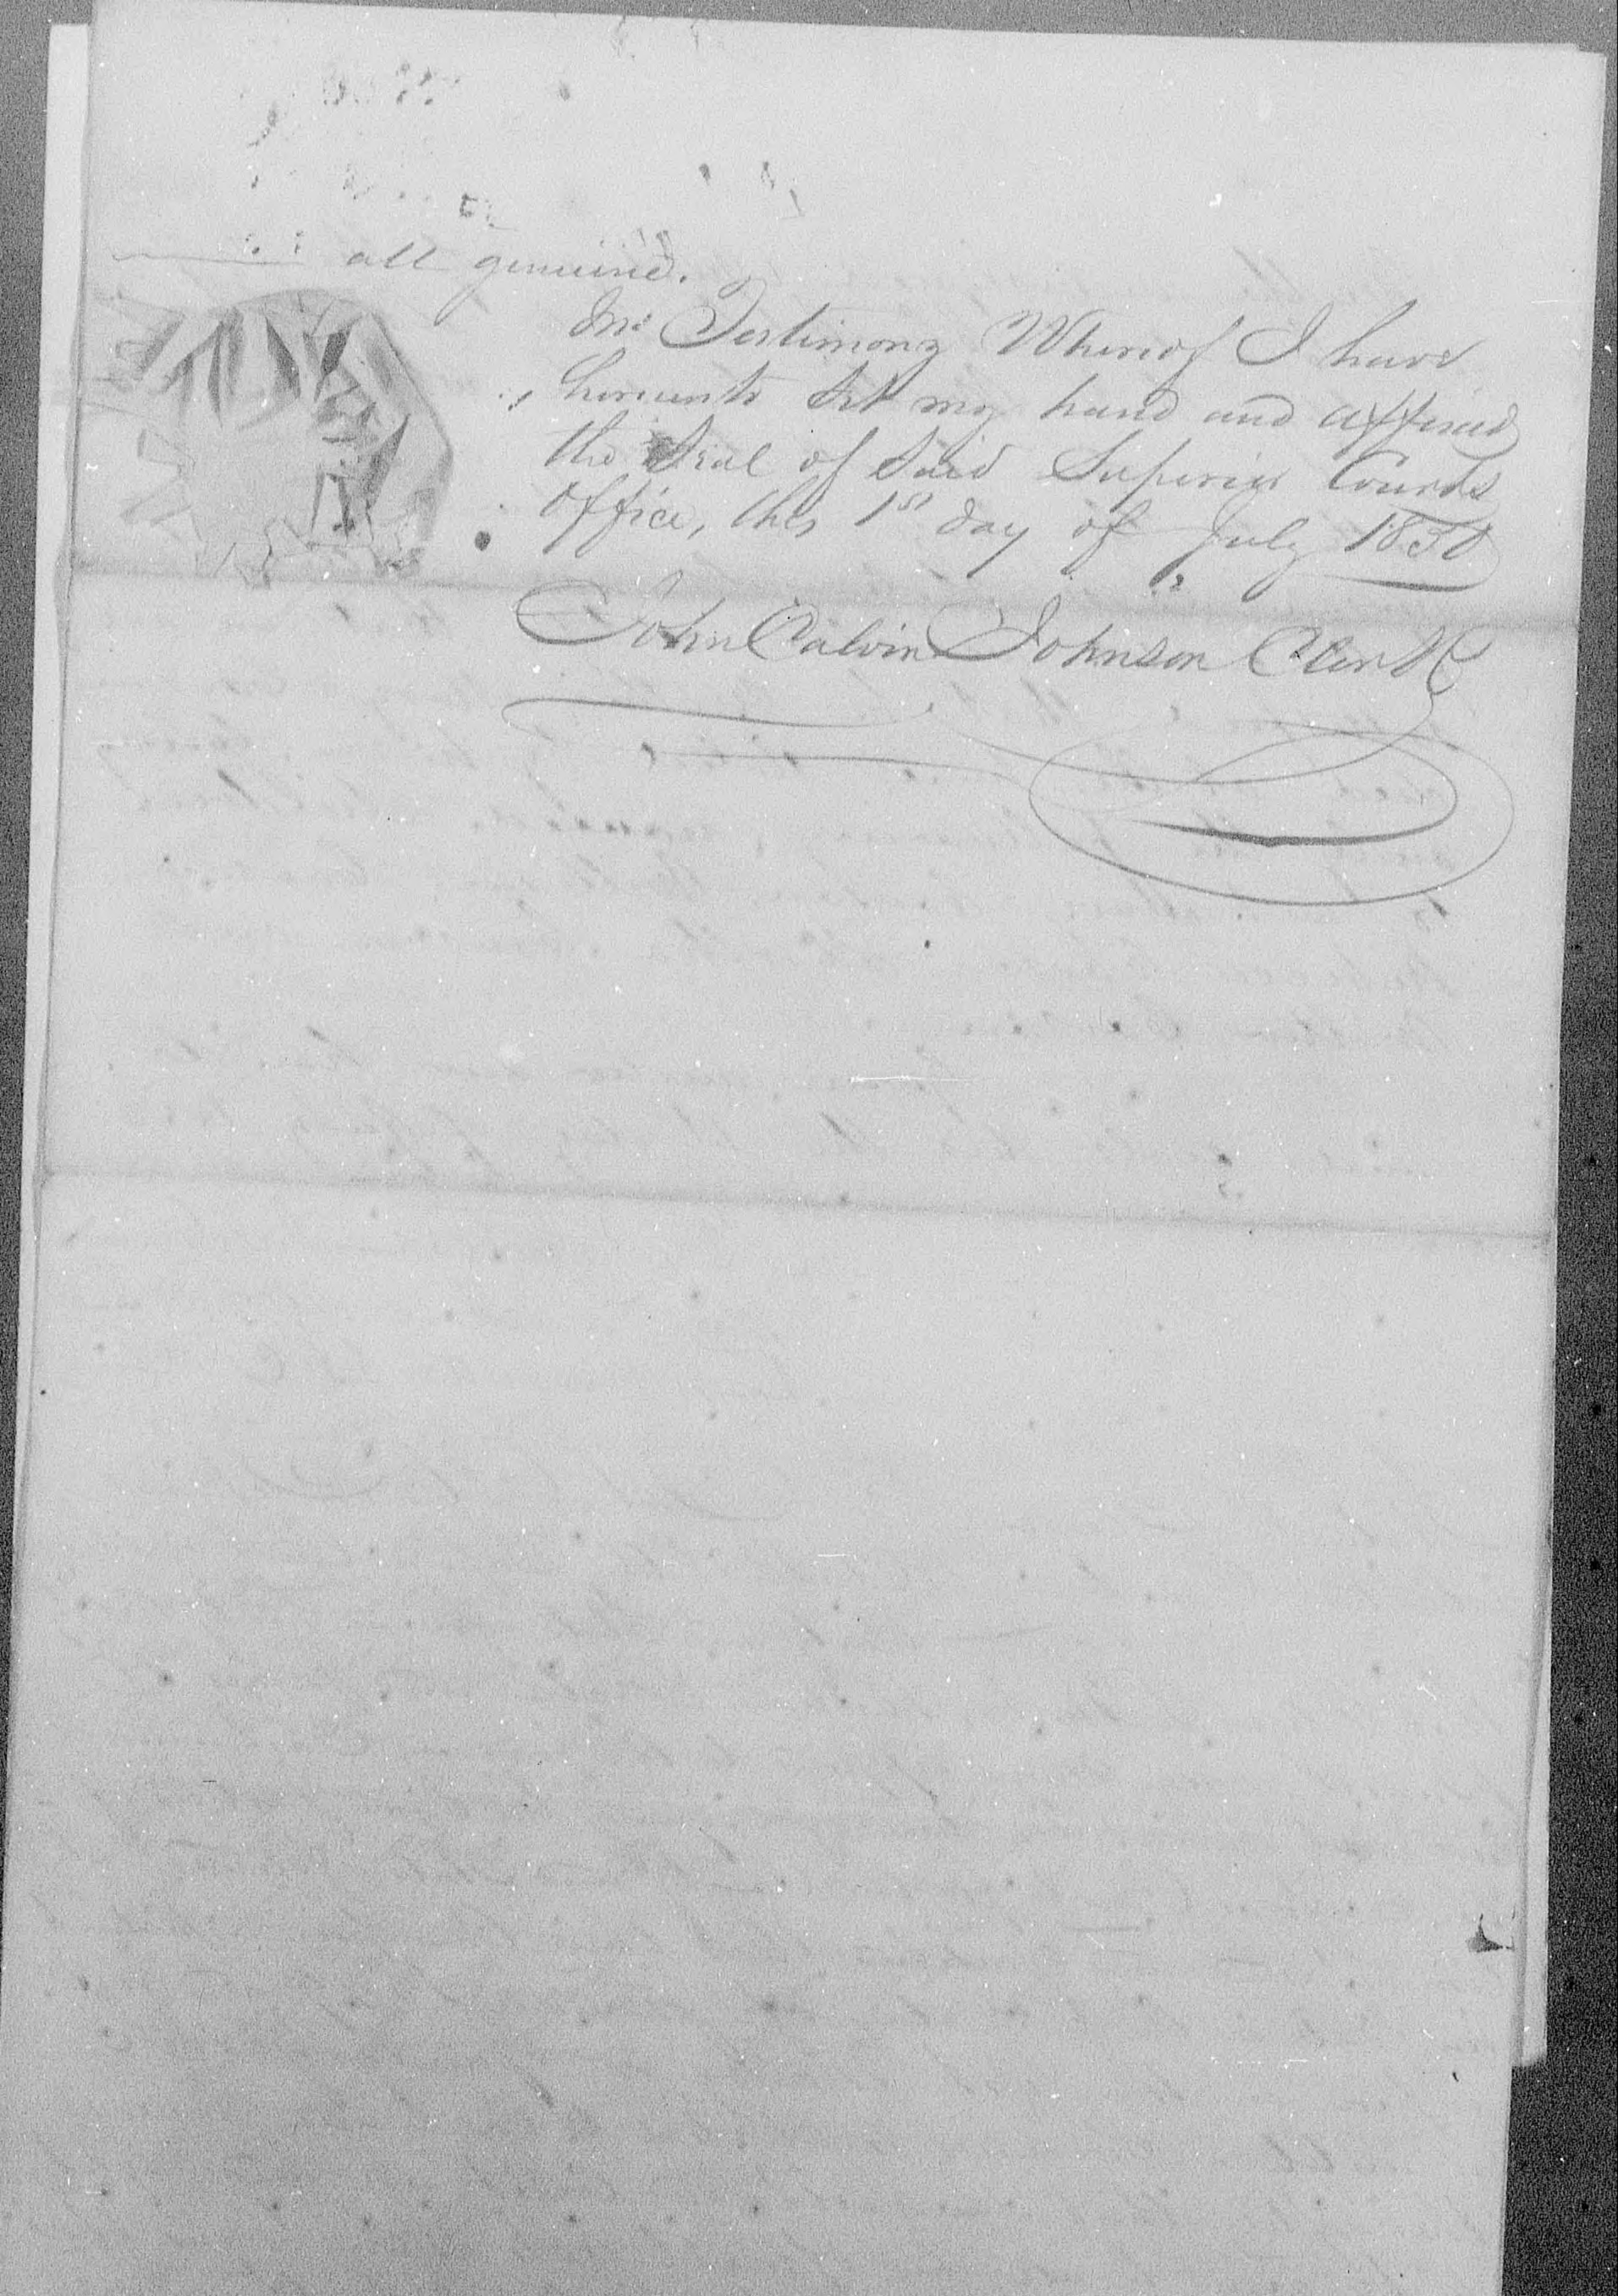all genuine.
In Testimony Whereof I have hereunto set my hand and affixed the Seal of said Superior Courts Office, this 1st day of July 1830
John Calvin Johnson Clerk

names: John Calvin Johnson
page: 11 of 34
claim: rejected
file: R. 1,738, Walter Carson, N.C. S.C.